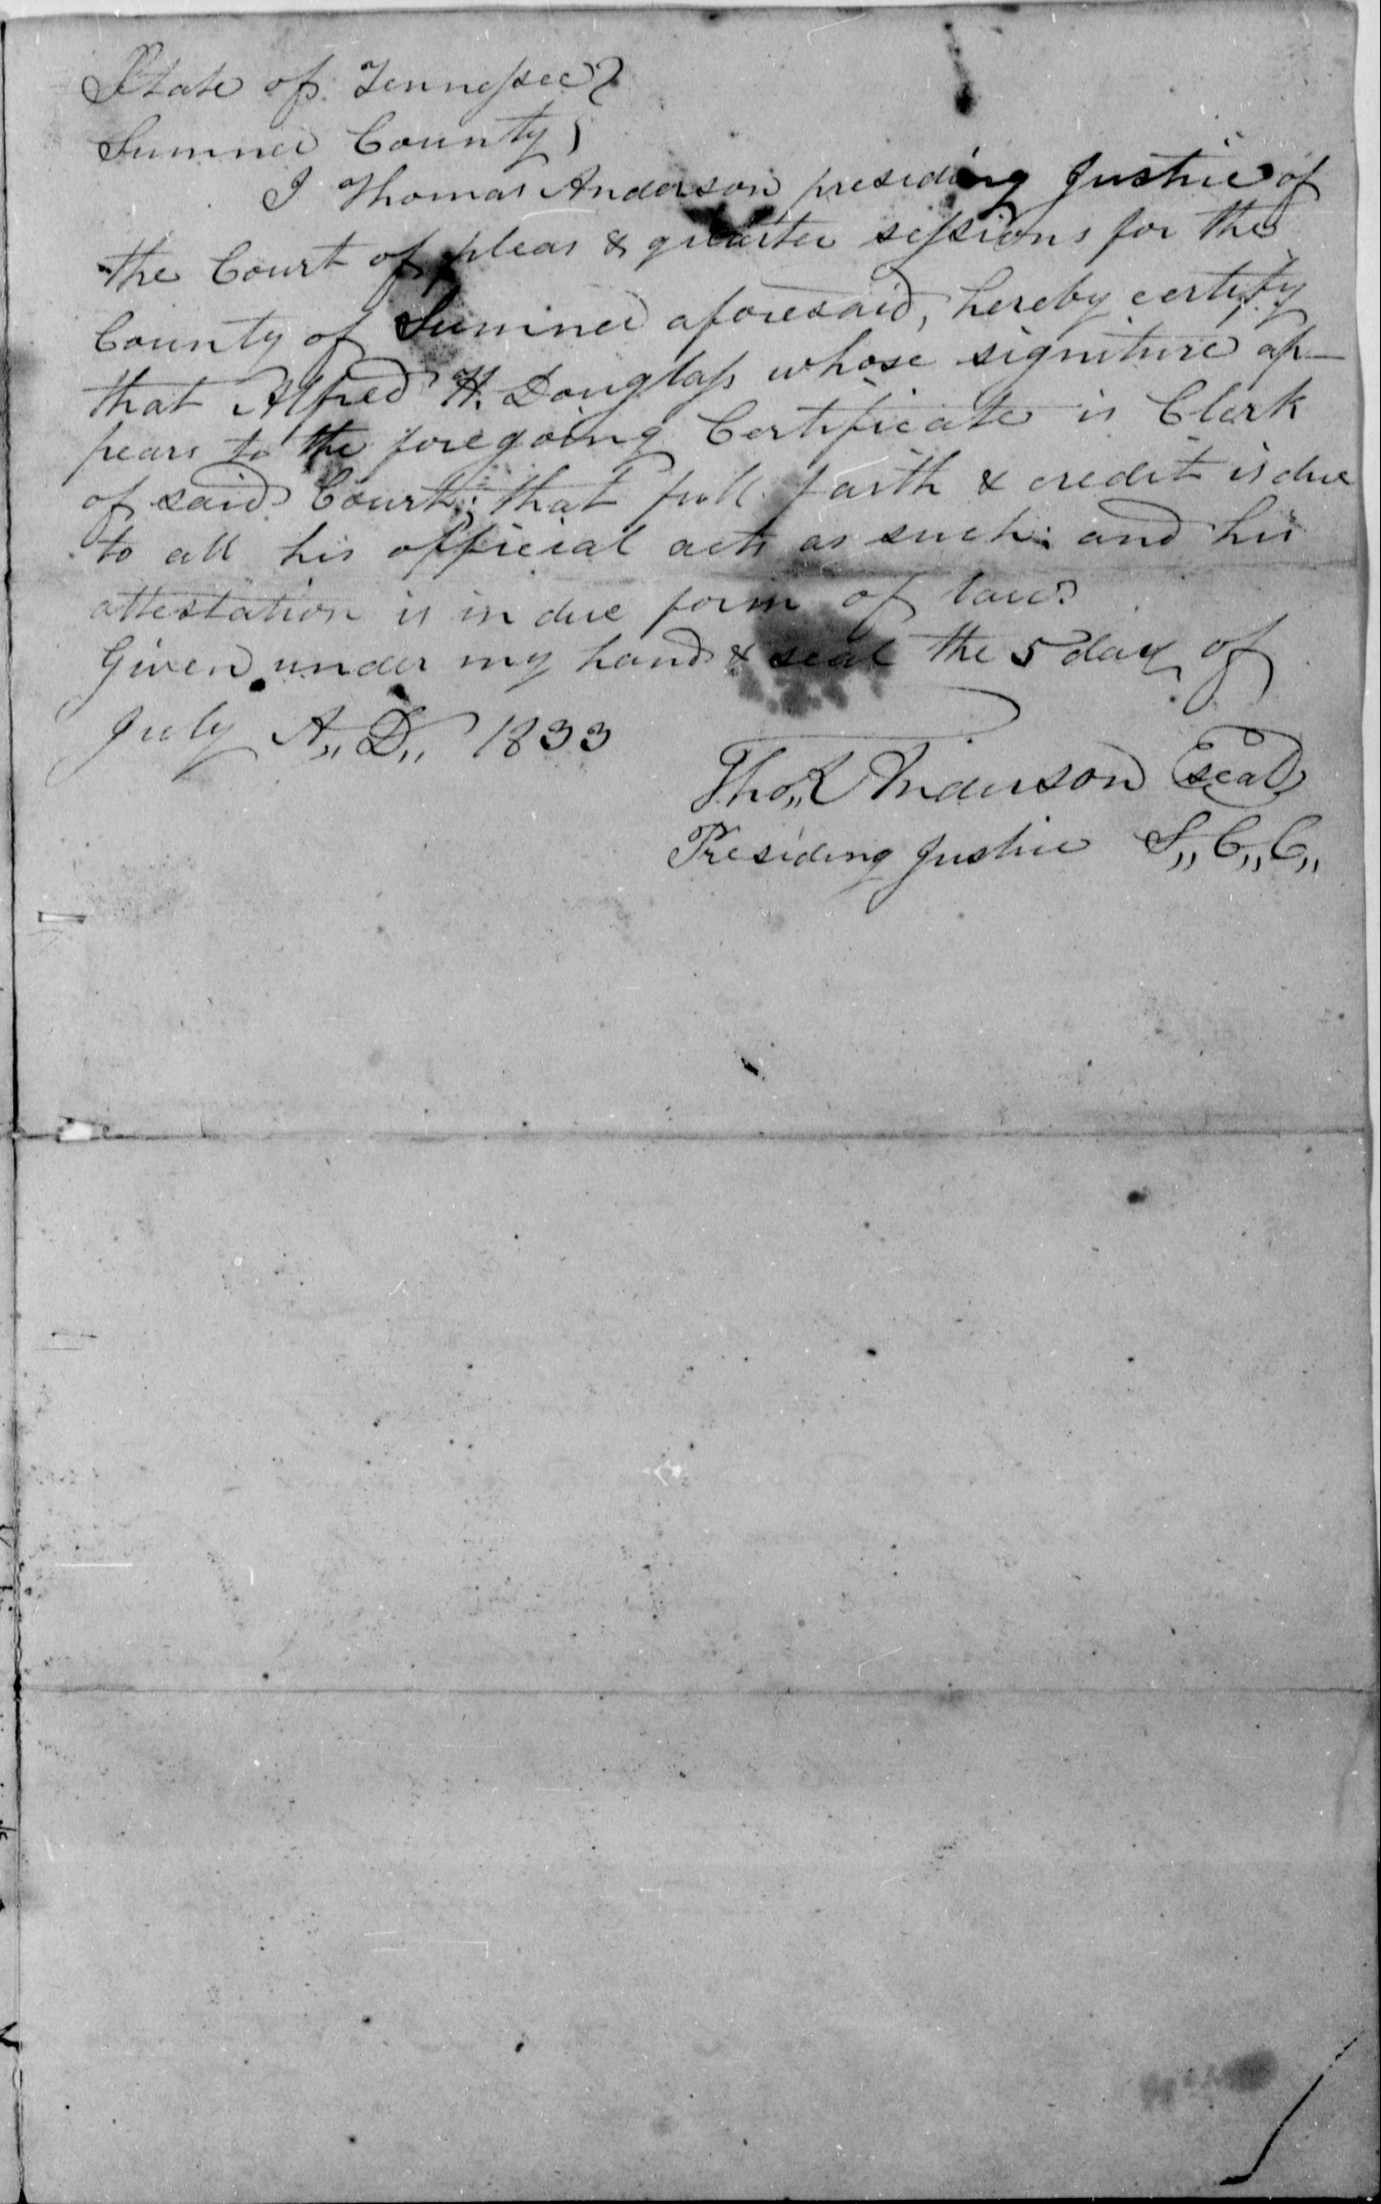State of Tennessee
Sumner County ⎬
I Thomas Anderson presiding Justice of
the Court of pleas & quarter sessions for the
County of Sumner aforesaid, hereby certify
that Alfred H Douglass whose signature
appears to the foregoing Certificate is Clerk
of said Court; that full faith & credit is due to all his official acts as such and his
attestation is in due form of law.
Given under my hand & seal the 5 day of
July A.D. 1833

Thomas Anderson ℗
Presiding Justice
S.C.C.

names: Thos Anderson, Thomas Anderson, Alfred H Douglass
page: 23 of 35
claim: survivor's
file: S. 32089, John Abbott, Continental N. C.